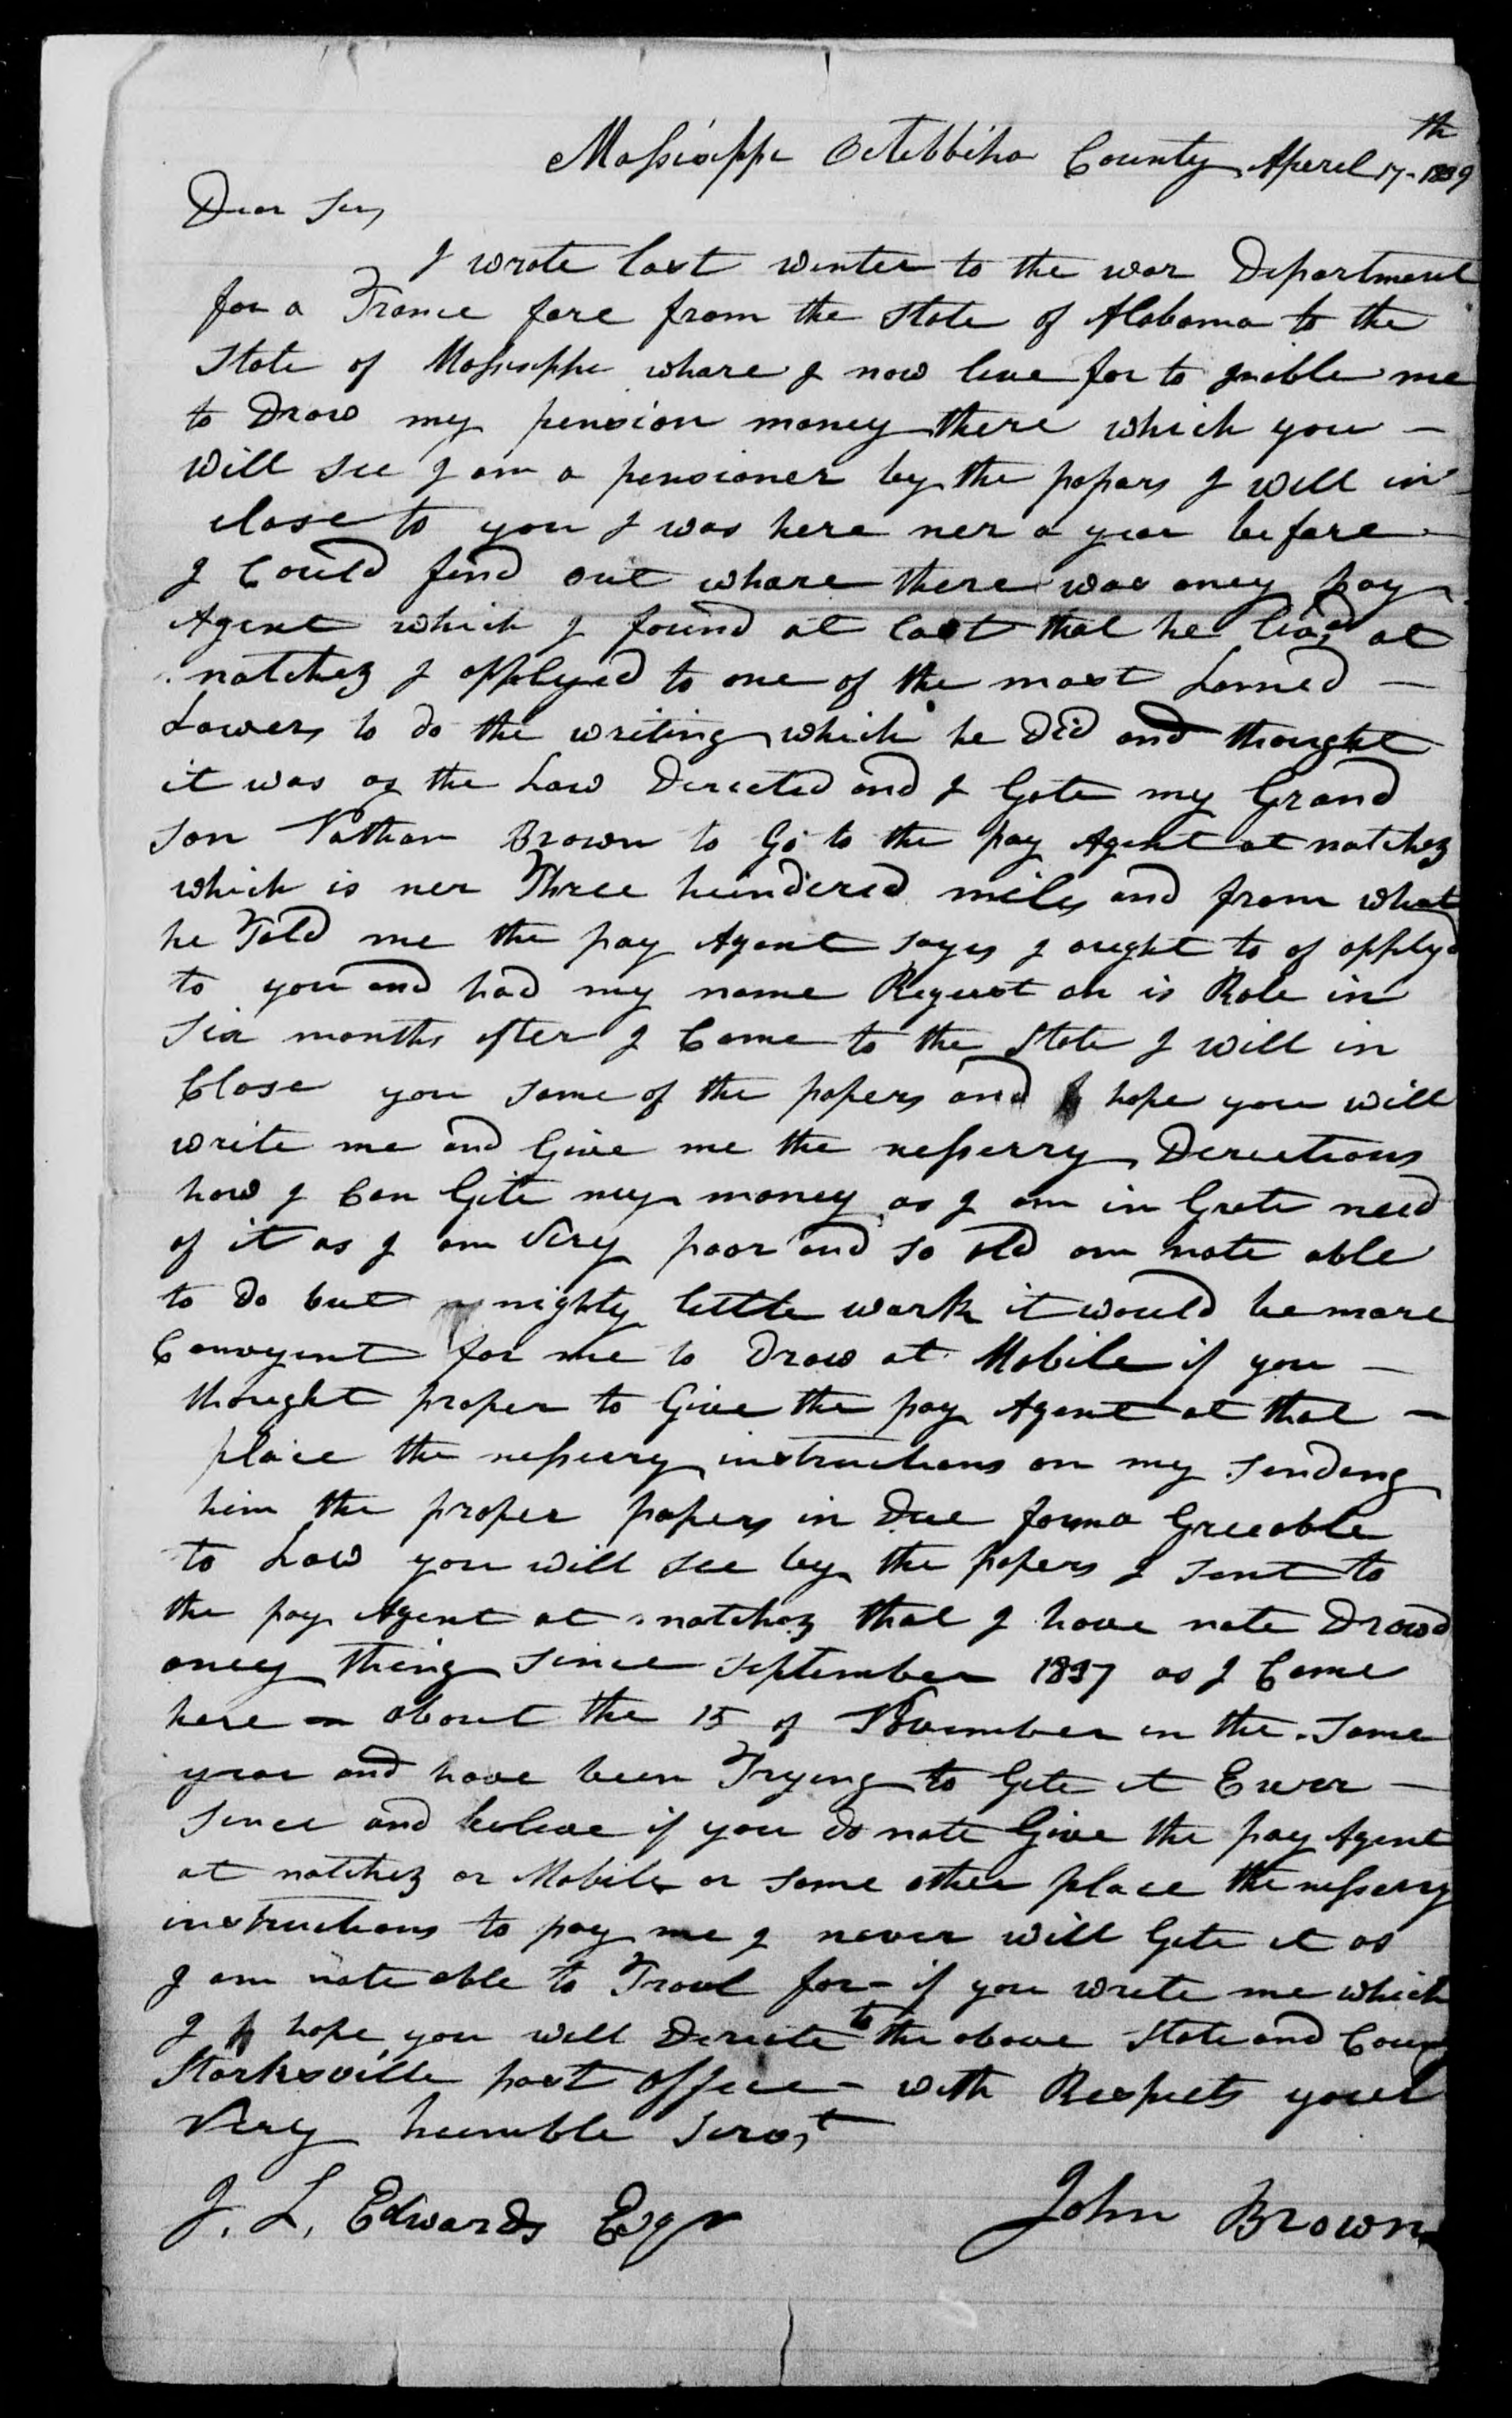Mississippi Octibbiha County April 17-1839
Dear Sir,
I wrote last winter to the war Department for a Trance fare from the State of Alabama to the of State of Mississippi where I now live for to 
enable me to draw my pension money there which you will see I am a pensioner by the papers I will inclose to you I was here ner a year before I could find out whare there was any pay Agent which I found at last that he was at Natchez I applyed to one of the most Lerned Lawers to do the writing which he did and thought it was of the Law directed and I got my Grand Son Nathan Brown to go to the pay Agent at natchez which is ner three hundred miles and from what he told me the pay Agent sayes I ought to of apply to you and had my name Reguest on is Role in six months after I came to the State I will inclose you some of the papers and I hope you will write me and give me the nesserry Directions how I can gite my money as I am in Grete need of it as I am very poor and so old am note able to do but as mighty little work it would be more Convyent for me to draw at Mobile if you thought proper to give the pay Agent at that place the nessery instructions on my sending him the proper papers in due form a Greeable to how you will see by the papers I sent to the pay Agent at natchez that I have note drawd
any thing since September 1837 as I come here on about the 15 of November in the same year and have been trying to gite it Ewer since and belive if you do note give the pay Agent at natchez or Mobile or some other place the nessery instructions to pay me I never will get it as I am not able to Troul for-- if you write me which I hope you will denote to  the above State and County Storksville post office-- with Respect your any humble Servt.
John Brown
J.L. Edwards Esqr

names: J L Edwards, Nathan Brown, John Brown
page: 19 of 85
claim: widow's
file: W. 5,906, John Brown, S.C.